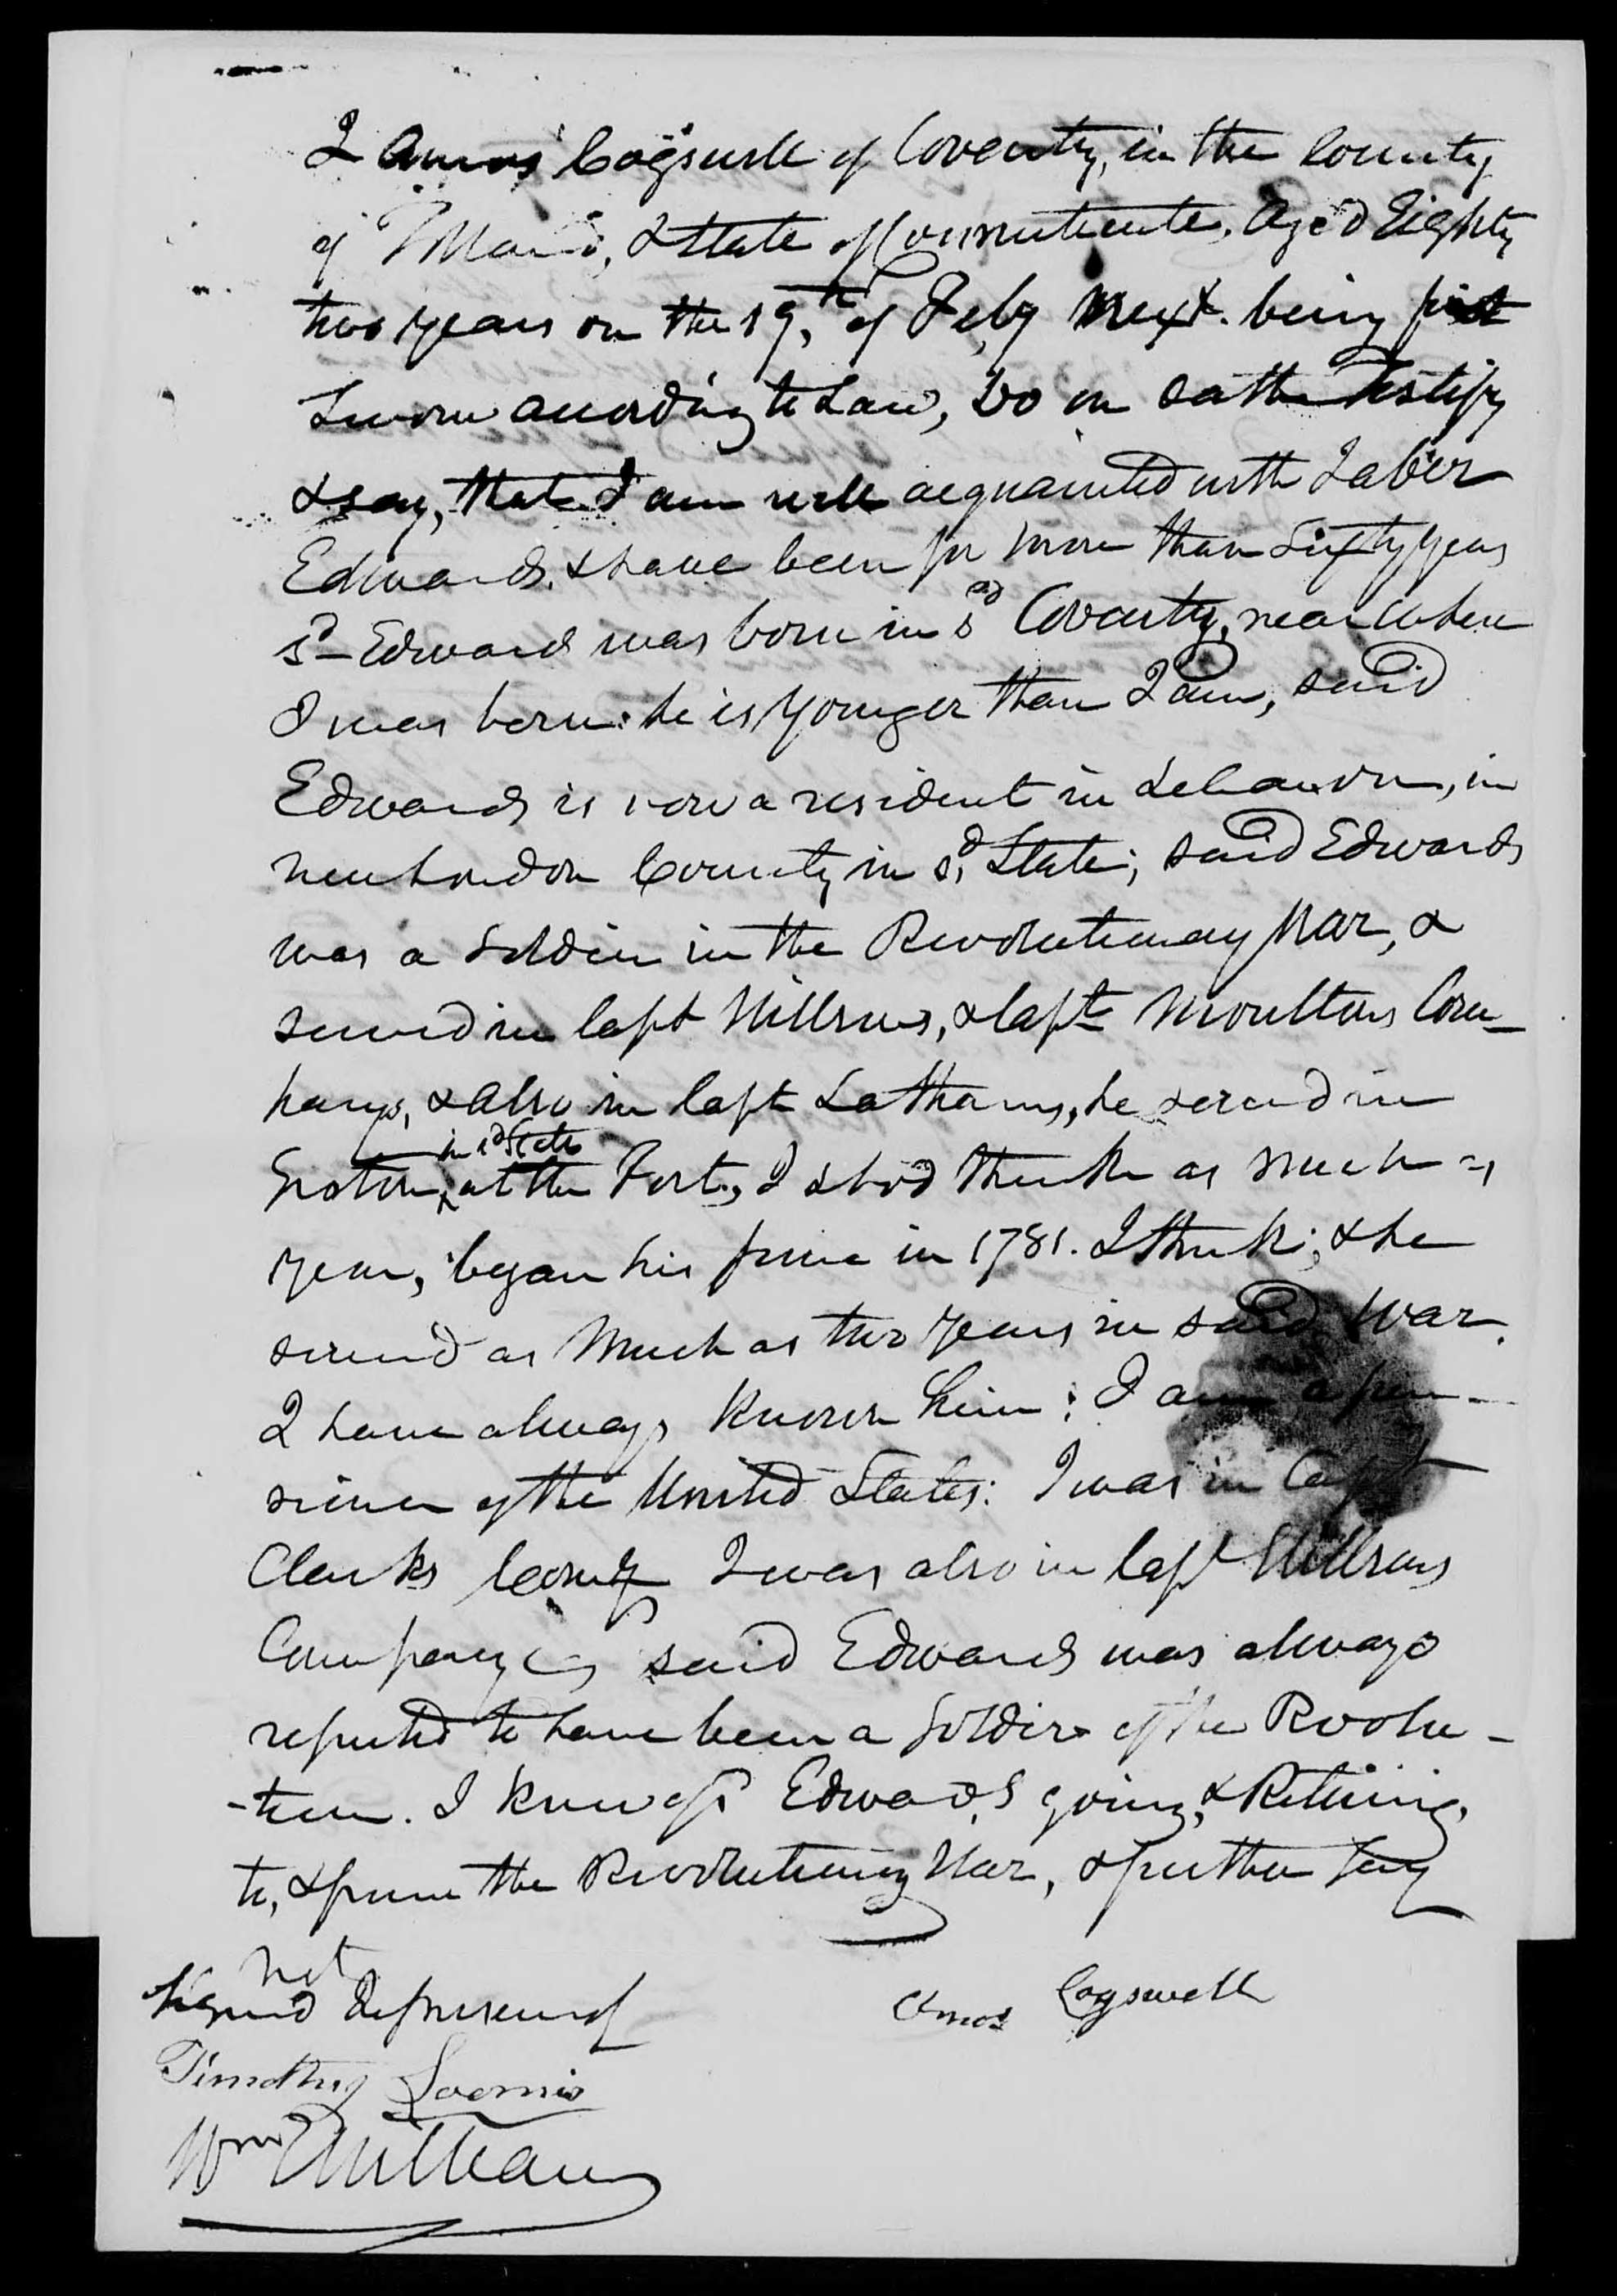I Amos Cogswell of Coventry in the county of Tolland, State of Connecticut, aged eighty two years on the 19th of July next being first sworn according to law, do on oath testify & say, that I am well acquainted with Jabez Edwards. I have been for more than sixty years. Said Edwards was born in said Coventry, near where I was born. He is younger than I am, said Edwards is now a resident in Lebanon, in New London County in said State; said Edwards was a soldier in the Revolutionary War, & served in Capt. Williams & Capt. Moulton's companies & also in Capt. Latham, he served in Groton in aforesaid State at the Fort. I should think as much a year, began his service in 1781. I think; & he served as much as two years in said war. I have always known him; I am a pensioner of the United States; I was in Capt. Clark's company. I was also in Capt. Willson's company. Said Edwards was always reputed to have been a soldier of the Revolution. I know of Edwards going & returning, to & from the Revolutionary War & further say not.

Amos Cogswell

Signed in presence of
Timothy Loomis
Wm. Williams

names: Edwards, Edwards, Timothy Loomis, Edwards, Amos Cogswell, Jabez Edwards, Wm T Williams, Edwards, Edwards, Amos Cogswell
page: 24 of 50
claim: survivor's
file: S 10607, Jabez Edwards, Conn.